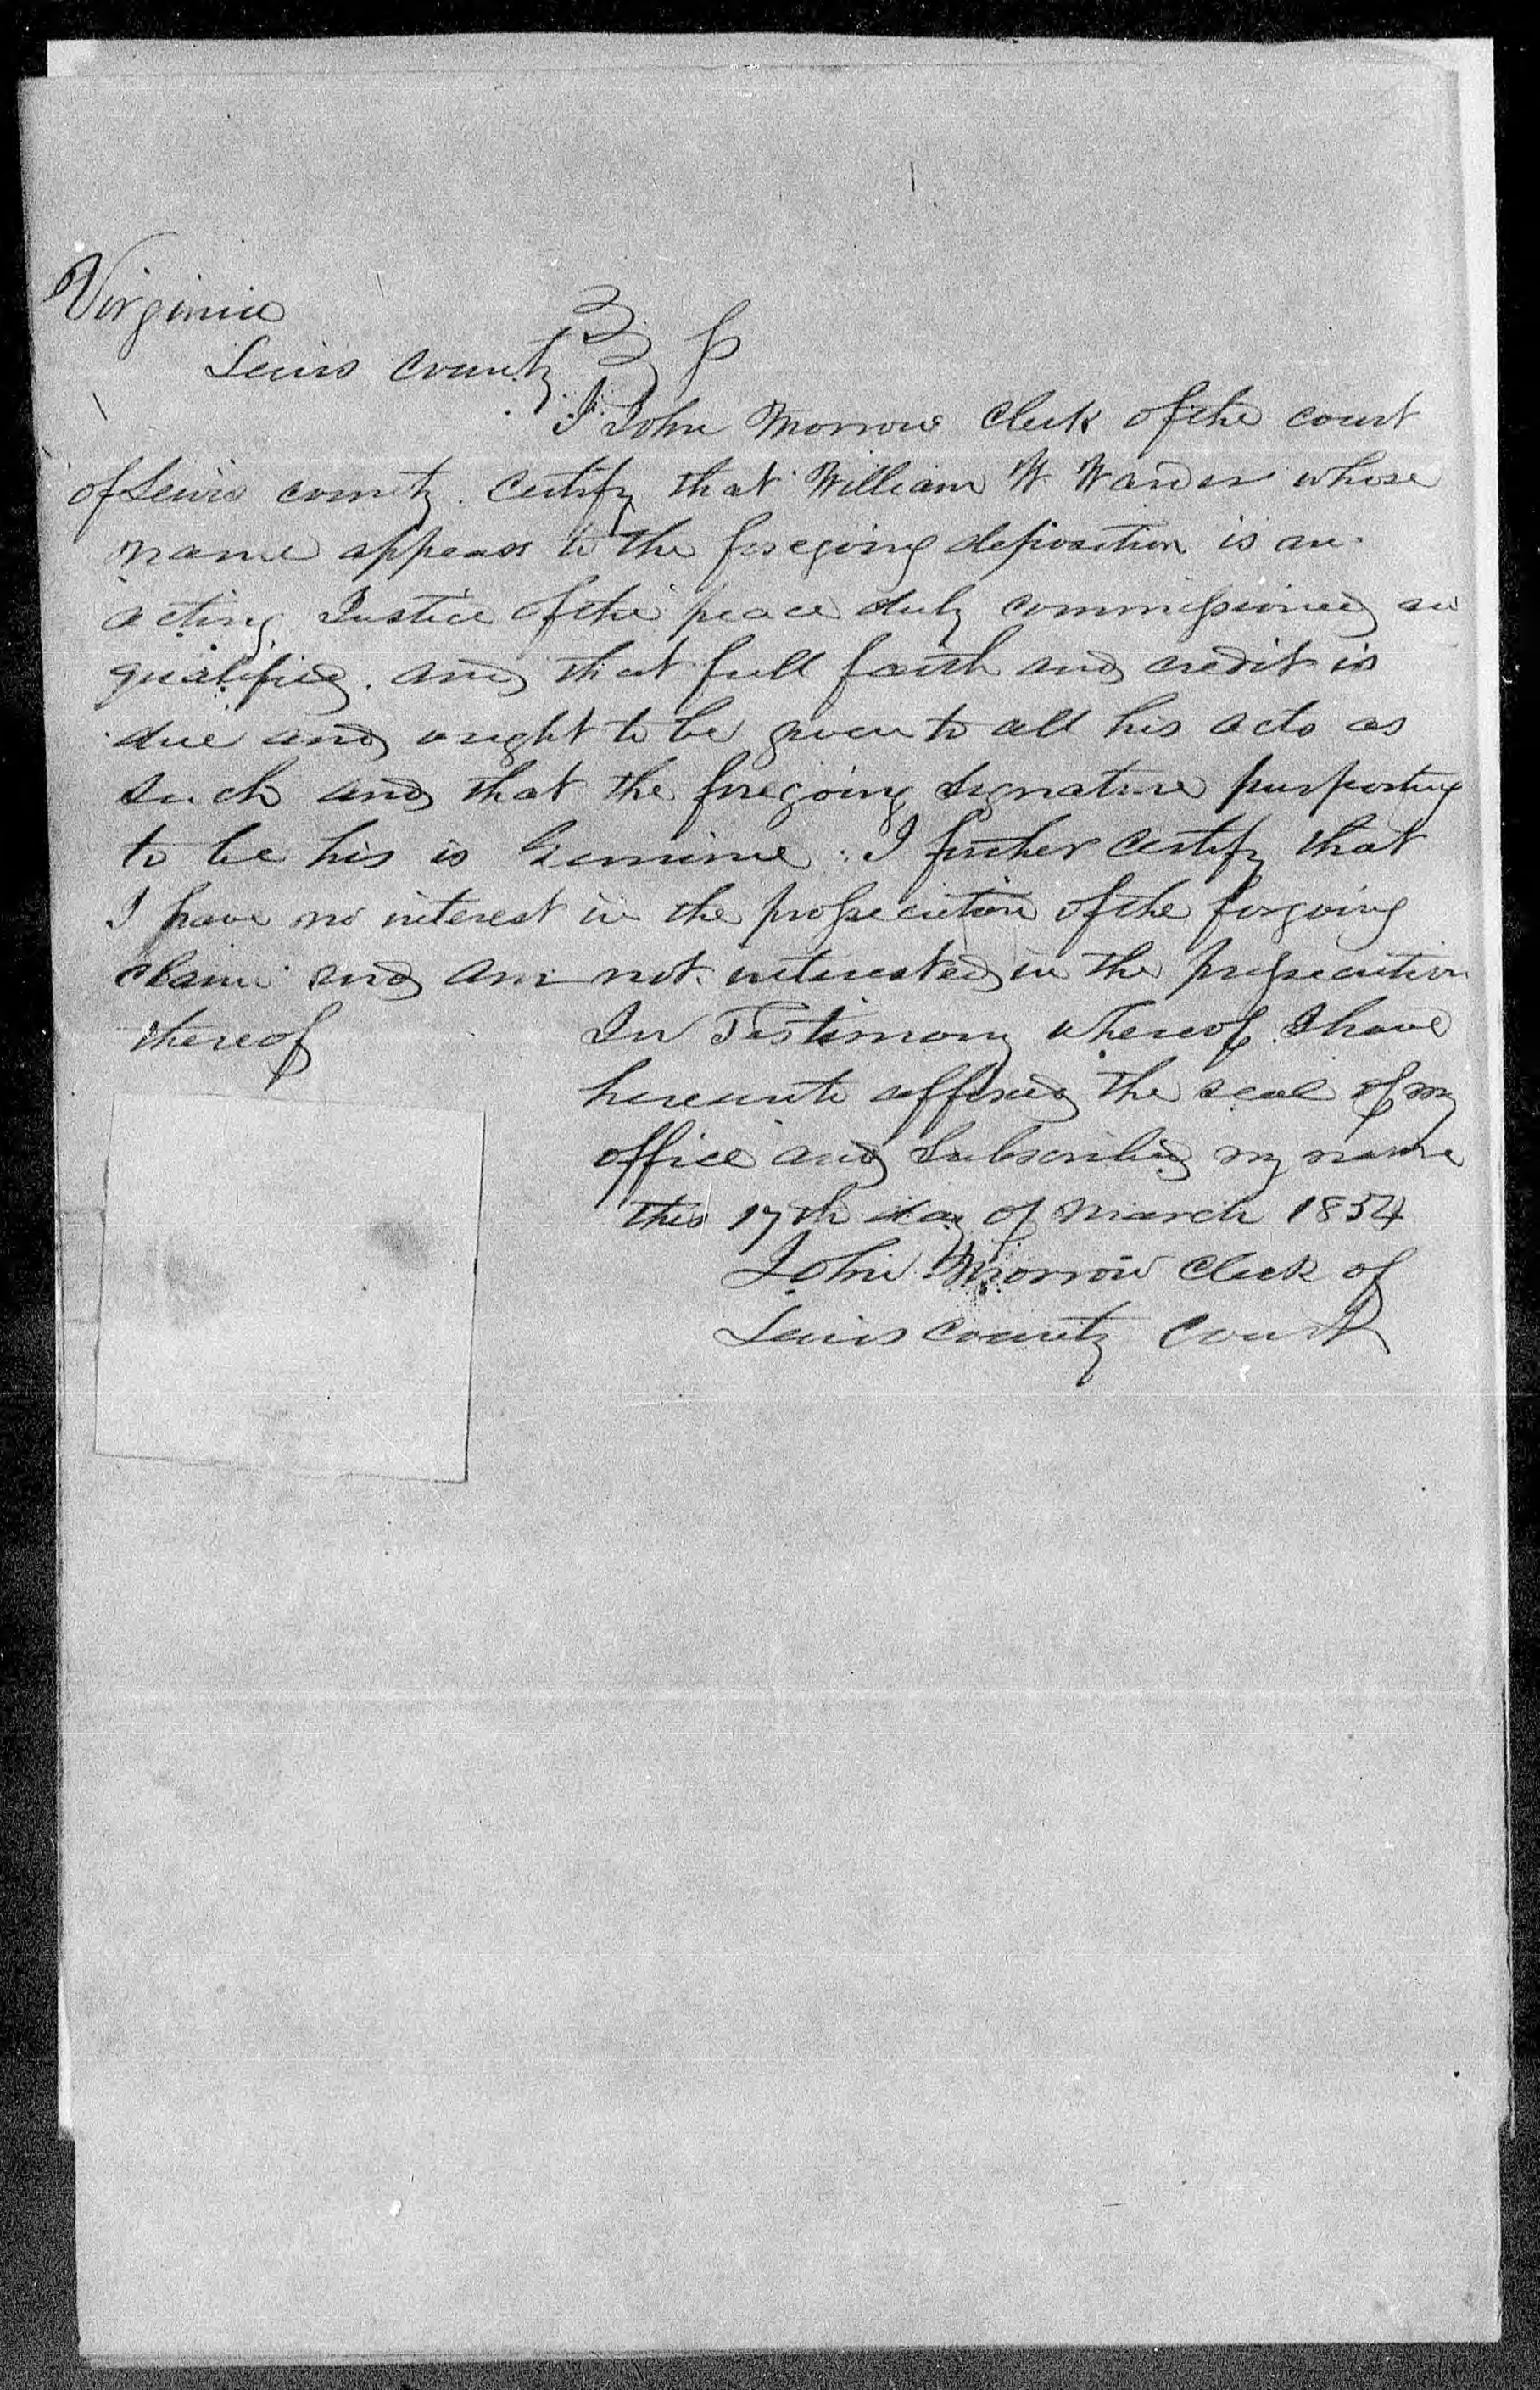Virginia
Lewis County
I John Morrow Clerk of the Court of Lewis County certify that William W. Warder whose name appears to the foregoing deposition is an acting Justice of the peace duly commissioned a qualified and that full faith and credit is
due and right to be given to all his acts as such and that the foregoing signature purporting to be his is genuine. I further certify that I have no interest in the prosecution of the forgoing claim and am not interested in the prosecution thereof
In Testimony whereof  I have hereunto affixed the seal of my office and subscribed my name this 17th day of March 1854
John Morrow Clerk of
Lewis County Court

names: John Morrow, John Morrow, William W Warder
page: 21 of 21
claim: rejected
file: R. 1,907, Joseph Cheuvront, Va.